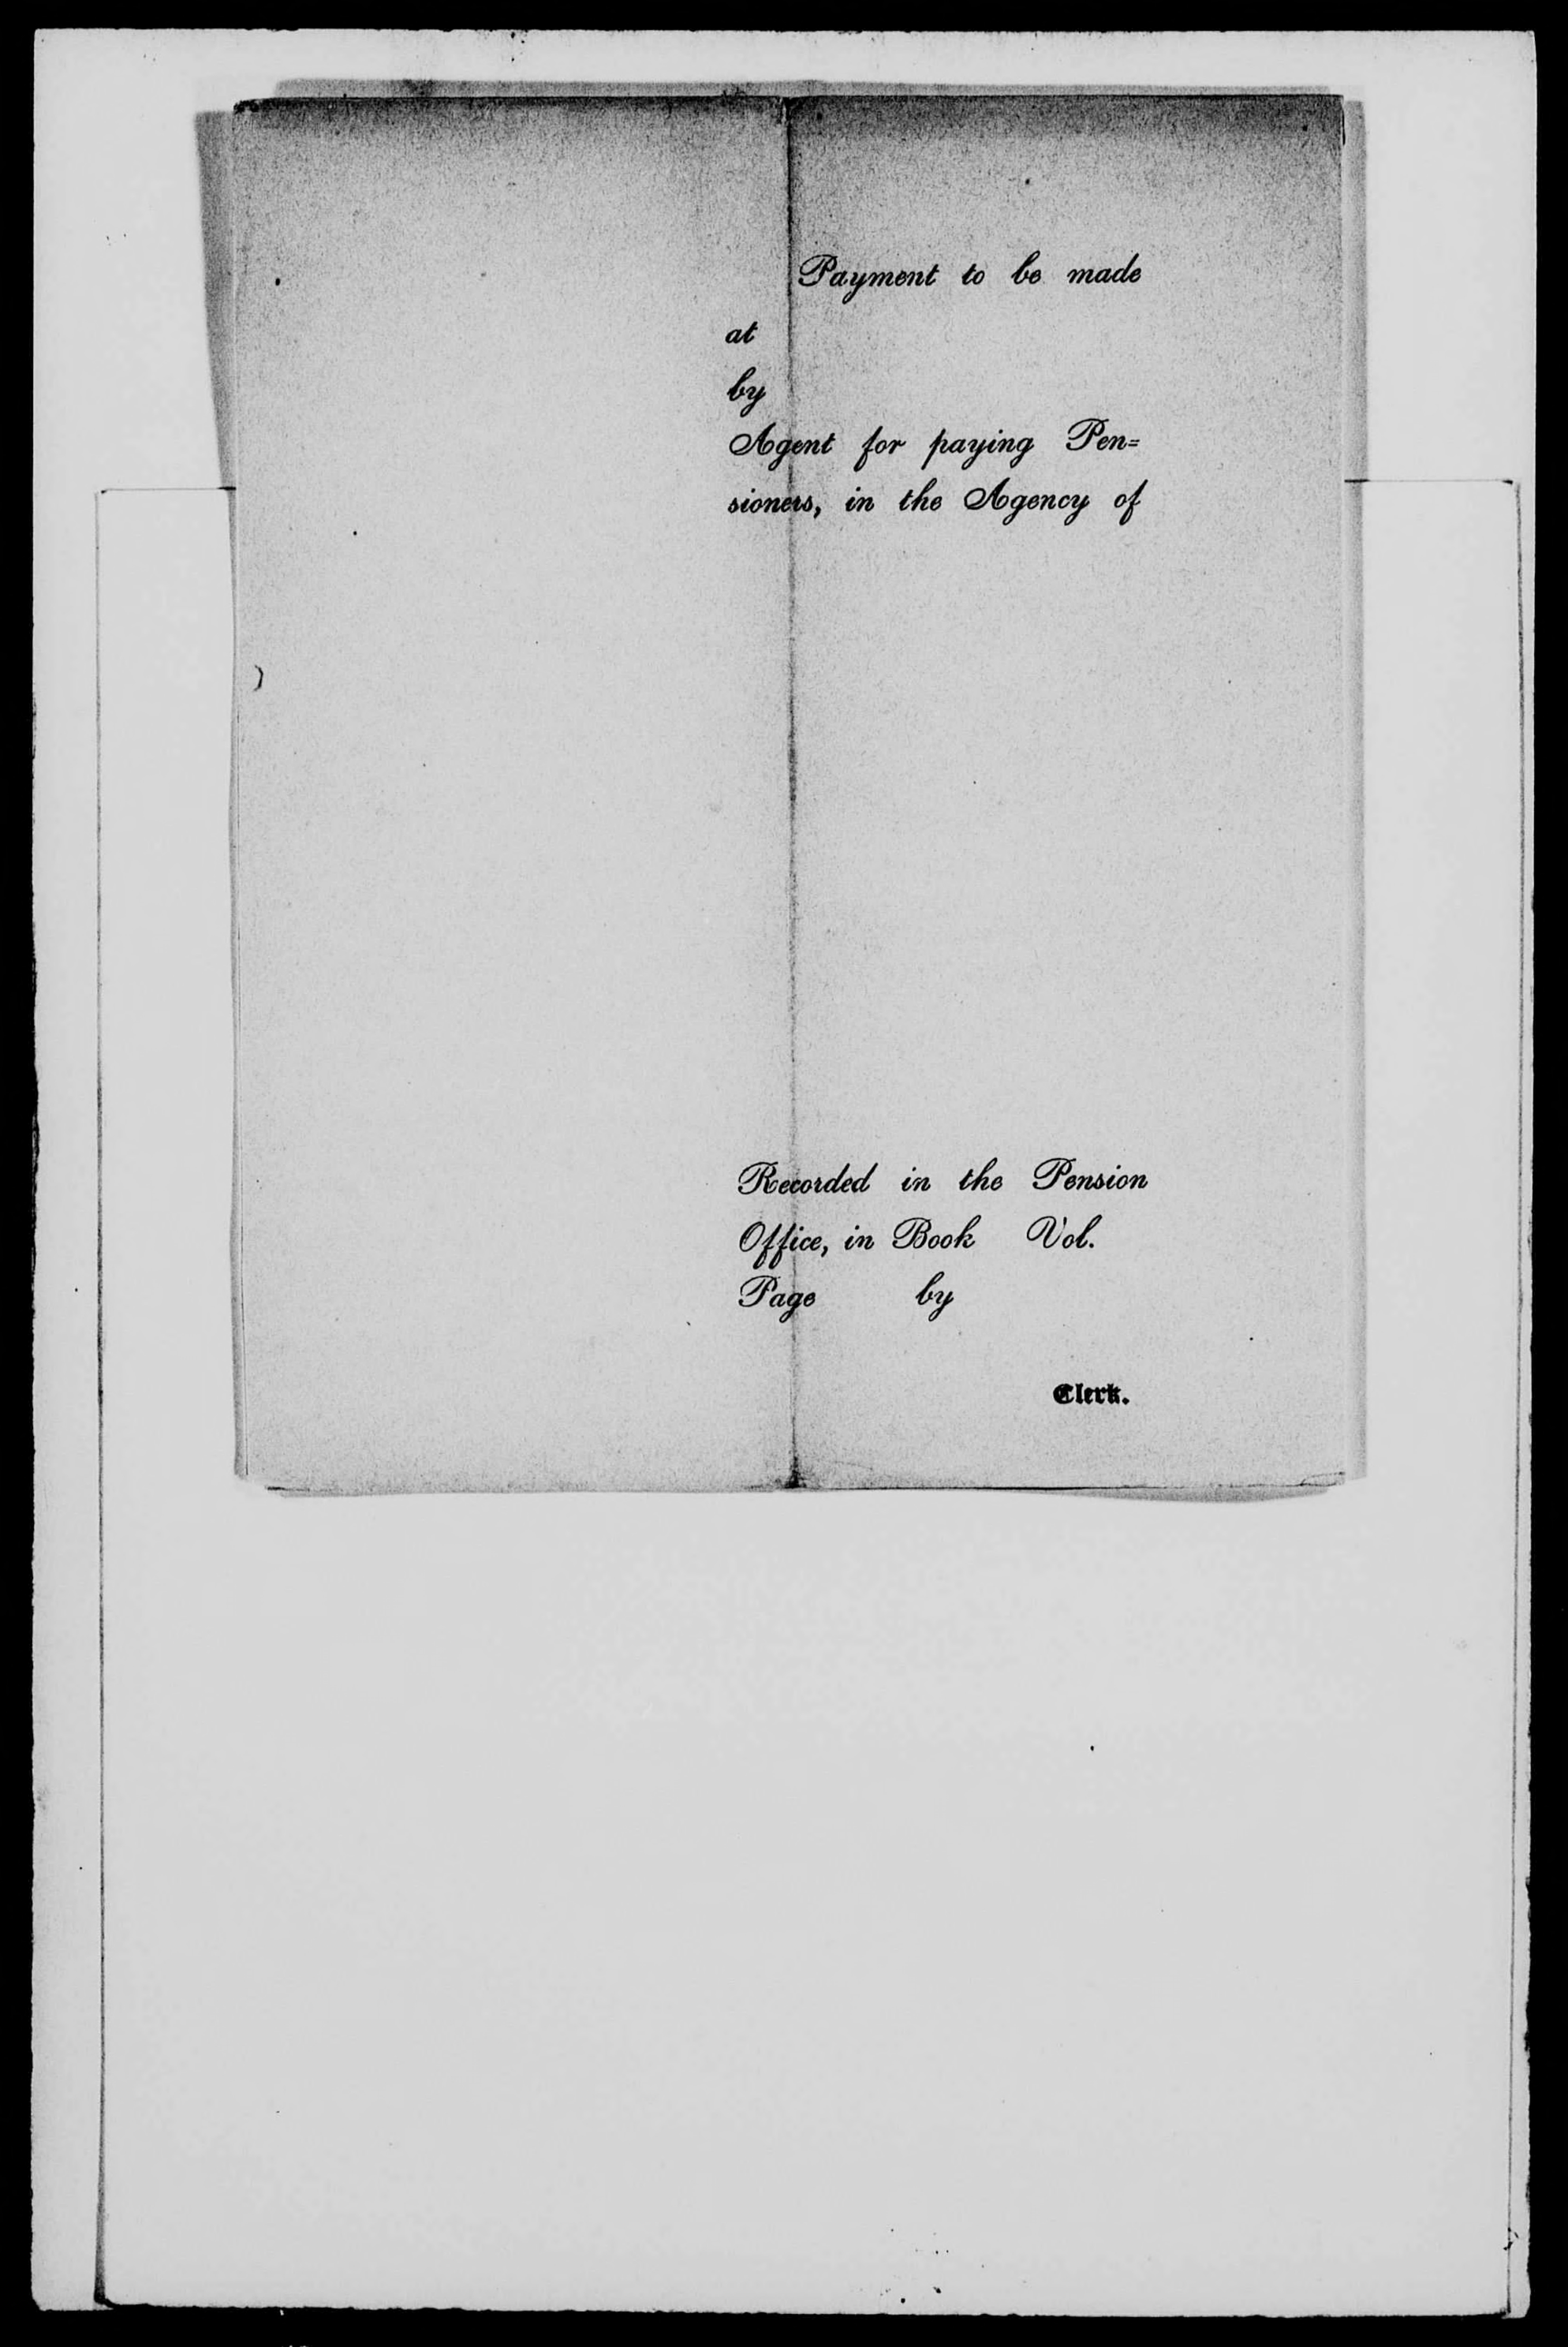Payment to be made
at
by
Agent for paying Pensioners, in the Agency of 


Recorded in the Pension Office, in Book      Vo.     Page     by     
                                          Clerk.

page: 36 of 77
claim: widow's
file: W. 417, William De Groot, New Jersey